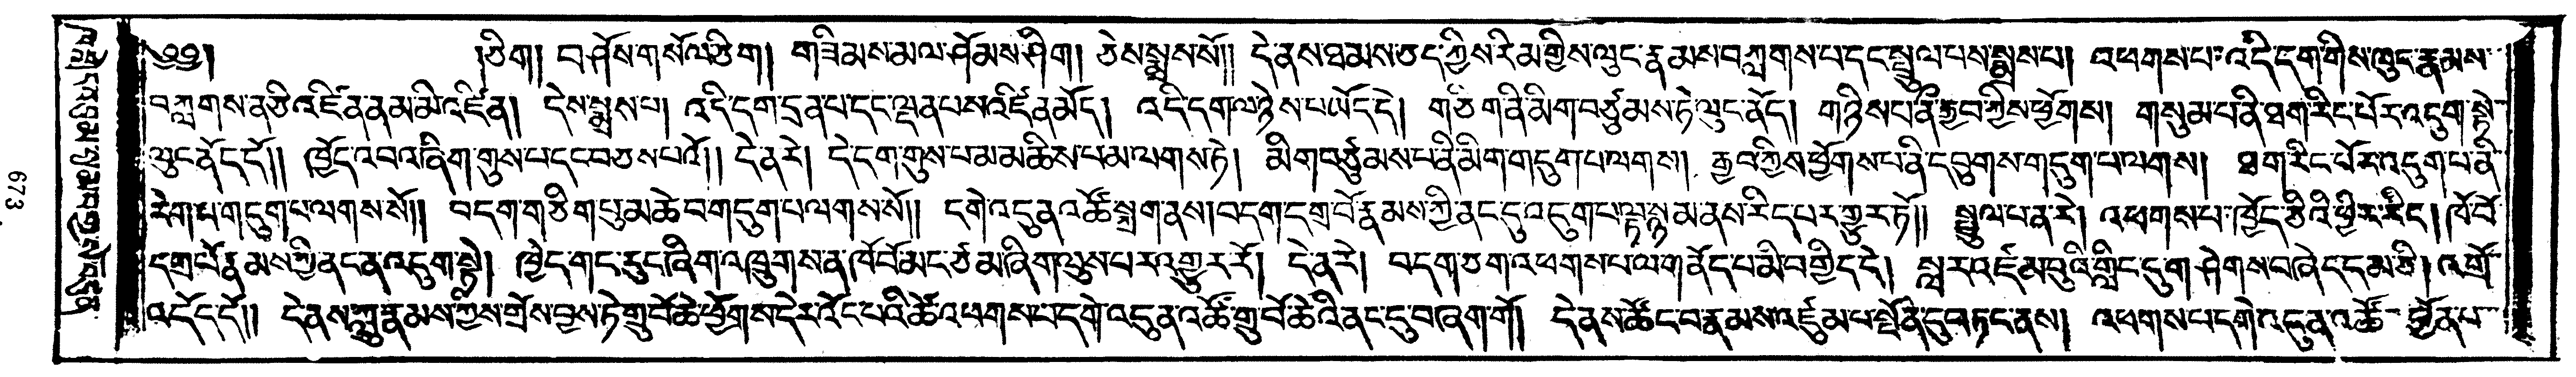༄༅། །ཅིག། བཤོས་གསོལ་ཅིག། གཟིམས་མལ་ཤོམས་ཤིག། ཅེས་སྨྲས་སོ།། དེ་ནས་ཐམས་ཅད་ཀྱིས་རིམ་གྱིས་ལུང་རྣམས་བཀླགས་པ་དང་སྤྲུལ་པས་སྨྲས་པ། འཕགས་པ་འདི་དག་གིས་ཁུང་རྣམས་
བཀླགས་ན་ཅི་འཛིན་ནམ་མི་འཛིན། དེས་སྨྲས་པ། འདི་དག་དྲན་པ་དང་ལྡན་པས་འཛིན་མོད། འདི་དག་ལ་ཉེས་པ་ཡོད་དེ། གཅིག་ནི་མིག་བཙུམས་ཏེ་ལུང་ནོད། གཉིས་པ་ནྀ་རྒྱབ་ཀྱིས་ཕྱོགས། གསུམ་པ་ནི་ཐག་རིང་པོར་འདུག་སྟེ་
ལུང་ནོད་དོ།། ཁྱོད་འབའ་ཞིག་གུས་པ་དང་བཅས་པའོ།། དེ་ན་རེ། དེ་དག་གུས་པ་མ་མཆིས་པ་མ་ལགས་ཏེ། མིག་བཙུམས་པ་ནི་མིག་གདུག་པ་ལགས། རྒྱབ་ཀྱིས་ཕྱོགས་པ་ནི་དབུགས་གདུག་པ་ལགས། ཐག་རིང་པོར་འདུག་པ་ནི་
རེག་པ་གདུག་པ་ལགས་སོ།། བདག་གཅིག་པུ་མཆེ་བ་གདུག་པ་ལགས་སོ།། དགེ་འདུན་འཚོ་སྐྲག་ནས། བདག་དགྲ་བོ་རྣམས་ཀྱི་ནང་དུ་འདུག་པ་ལྟ་སྙམ་ནས་རིད་པར་གྱུར་ཏོ།། སྤྲུལ་པ་ན་རེ། འཕགས་པ་ཁྱོད་ཅིའི་ཕྱིར་རིང་། ཁོ་བོ་
དགྲ་བོ་རྣམས་ཀྱི་ནང་ན་འདུག་སྟེ། ཁྱེད་གང་རུང་ཞིག་འཁྲུགས་ན་ཁོ་བོ་མང་ཙམ་ཞིག་ལུས་པར་འགྱུར་རོ། དེ་ན་རེ། བདག་ཅག་འཕགས་པ་ལ་གནོད་པ་མི་བགྱིད་དེ། སླར་འཛམ་བུའི་གླིང་དུ་གཤེགས་བཞེད་དམ་ཅི། འགྲོ་
འདོད་དོ།། དེ་ནས་ཀླུ་རྣམས་ཀྱིས་གྲོས་བྱས་ཏེ་གྲུ་བོ་ཆེ་ཕྱོགས་དེར་འོང་པའི་ཚེ་འཕགས་པ་དགེ་འདུན་འཚོ་གྲུ་བོ་ཆེའི་ནང་དུ་བཞག་གོ། དེ་ནས་ཚོང་བ་རྣམས་འཛུམ་པ་སྔོན་དུ་བཏང་ནས། འཕགས་པ་དགེ་འདུན་འཚོ་བྱོན་པ་